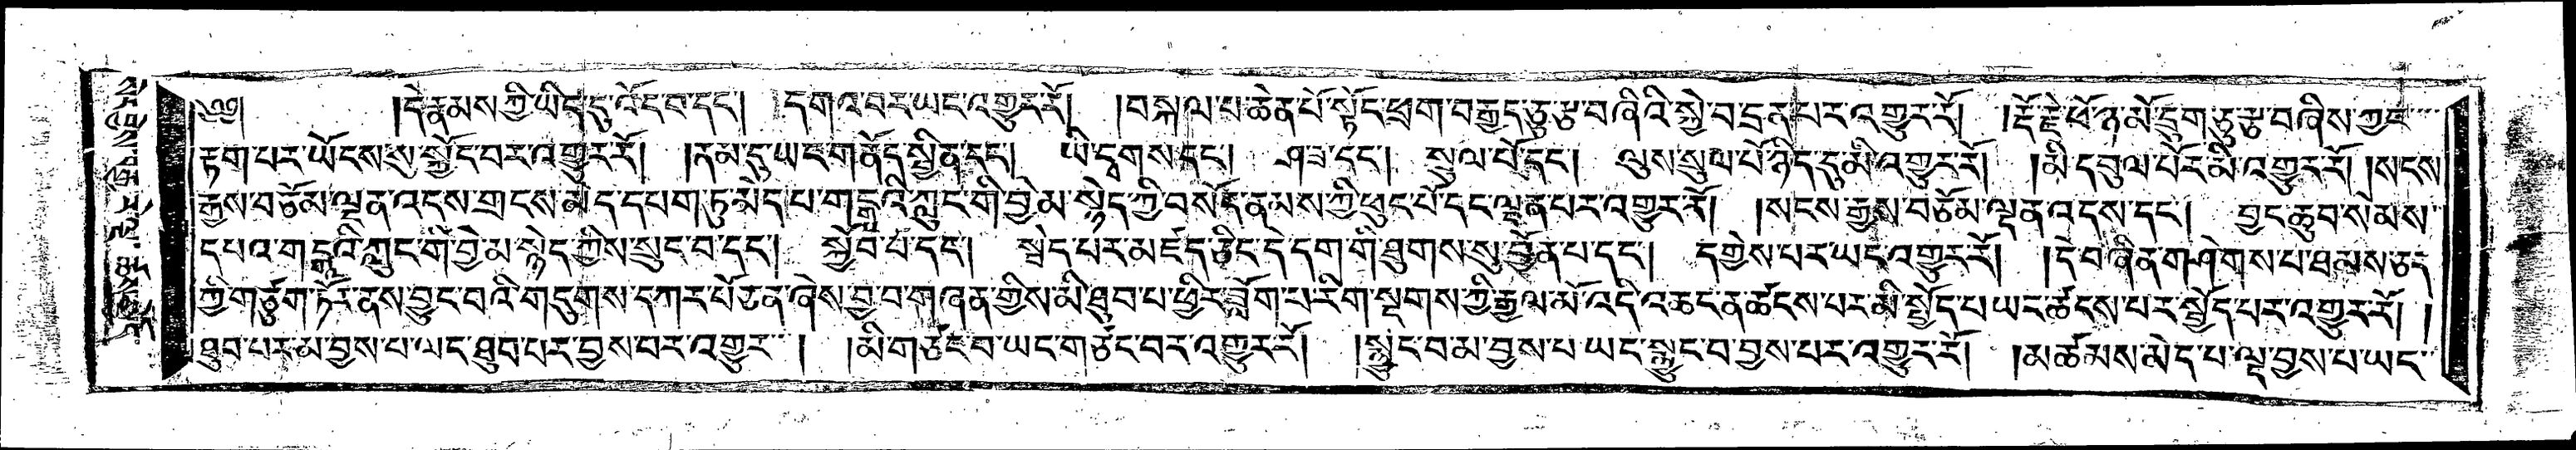༄༅། །དེ་རྣམས་ཀྱི་ཡིད་དུ་འོང་བ་དང་། དགའ་བར་ཡང་འགྱུར་རོ། །བསྐལ་པ་ཆེན་པོ་སྟོང་ཕྲག་བརྒྱད་ཅུ་རྩ་བཞིའི་སྐྱེ་བ་དྲན་པར་འགྱུར་རོ། །རྡོ་རྗེ་ཕོ་ཉ་མོ་དྲུག་ཅུ་རྩ་བཞིས་ཀྱང་
རྟག་པར་ཡོངས་སུ་སྐྱོང་བར་འགྱུར་རོ། །ནམ་དུ་ཡང་གནོད་སྦྱིན་དང་། ཡི་དྭགས་དང་། ཤ་ཟ་དང་། སྲུལ་པོ་དང་། ལུས་སྲུལ་པོ་ཉིད་དུ་མི་འགྱུར་རོ། །མི་དབུལ་པོར་མི་འགྱུར་རོ། །སངས་
རྒྱས་བཅོམ་ལྡན་འདས་གྲངས་མེད་དཔག་ཏུ་མེད་པ་གངྒཱའི་ཀླུང་གི་བྱེ་མ་སྙེད་ཀྱི་བསོད་ནམས་ཀྱི་ཕུང་པོ་དང་ལྡན་པར་འགྱུར་རོ། །སངས་རྒྱས་བཅོམ་ལྡན་འདས་དང་། བྱང་ཆུབ་སེམས་
དཔའ་གངྒཱའི་ཀླུང་གི་བྱེ་མ་སྙེད་ཀྱིས་སྲུང་བ་དང་། སྐྱོབ་པ་དང་། སྦེད་པར་མཛད་ཅིང་དེ་དག་གི་ཐུགས་སུ་བྱོན་པ་དང་། དགྱེས་པར་ཡང་འགྱུར་རོ། །དེ་བཞིན་གཤེགས་པ་ཐམས་ཅད་
ཀྱི་གཙུག་ཏོར་ནས་བྱུང་བའི་གདུགས་དཀར་པོ་ཅན་ཞེས་བྱ་བ་གཞན་གྱིས་མི་ཐུབ་པ་ཕྱིར་ཟློག་པ་རིག་སྔགས་ཀྱི་རྒྱལ་མོ་འདི་འཆང་ན་ཚངས་པར་མི་སྤྱོད་པ་ཡང་ཚངས་པར་སྤྱོད་པར་འགྱུར་རོ། །
ཐུབ་པར་མ་བྱས་པ་ཡང་ཐུབ་པར་བྱས་པར་འགྱུར། །མི་གཙང་བ་ཡང་གཙང་བར་འགྱུར་རོ། །སྨྱུང་བ་མ་བྱས་པ་ཡང་སྨྱུང་བ་བྱས་པར་འགྱུར་རོ། །མཚམས་མེད་པ་ལྔ་བྱས་པ་ཡང་